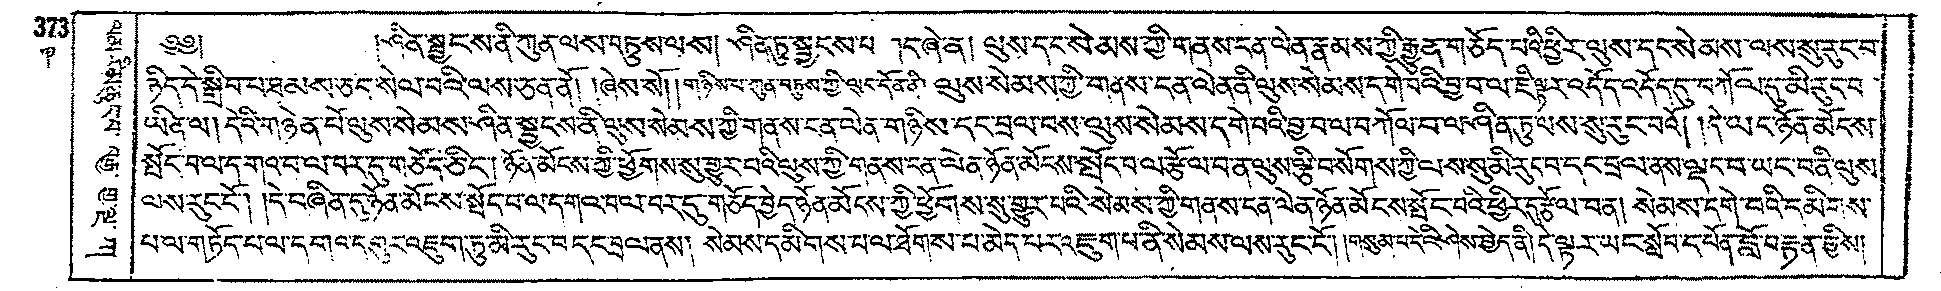༄༅། །ཤིན་སྦྱངས་ནི་ཀུན་ལས་བཏུས་ལས། ཤིན་ཏུ་སྦྱངས་པ། ང་ཞེ་ན། ལུས་དང་སེམས་ཀྱི་གནས་ངང་ལེན་རྣམས་ཀྱི་རྒྱུན་གཅོད་པའི་ཕྱིར་ལུས་དང་སེམས་ལས་སུ་རུང་བ་
ཉིད་དེ་སྒྲིབ་པ་ཐམས་ཅད་སེལ་བའི་ལས་ཅན་ནོ། །ཞེས་སོ། གཉིས་པ་ཀུན་བཏུས་ཀྱི་ལུང་དོན་ནི།  ལུས་སེམས་ཀྱི་གནས་ངན་ལེན་ནི་ལུས་སེམས་དགེ་བའི་བྱ་བ་ལ་ཇི་ལྟར་འདོད་འདོད་དུ་བཀོལ་དུ་མི་རུང་བ་
ཡིན་ལ། དེའི་གཉེན་པོ་ལུས་སེམས་ཤིན་སྦྱངས་ནི་ལུས་སེམས་ཀྱི་གནས་ངན་ལེན་གཉིས་དང་བྲལ་བས་ལུས་སེམས་དགེ་བའི་བྱ་བ་ལ་བཀོལ་བ་ལ་ཤིན་ཏུ་ལས་སུ་རུང་བའོ། །དེ་ཡང་ཉོན་མོངས་
སྤོང་བ་ལ་དགའ་བ་ལ་བར་དུ་གཅོད་ཅིང་། ཉོན་མོངས་ཀྱི་ཕྱོགས་སུ་གྱུར་པའི་ལུས་ཀྱི་གནས་ངན་ལེན་ཉོན་མོངས་སྤོང་བ་ལ་རྩོལ་བ་ན་ལུས་ལྕི་བ་སོགས་ཀྱི་ལས་སུ་མི་རུང་བ་དང་བྲལ་ནས་ལྡང་བ་ཡང་བ་ནི་ལུས་
ལས་རུང་ངོ། །དེ་བཞིན་དུ་ཉོན་མོངས་སྤོང་བ་ལ་དགའ་བ་ལ་བར་དུ་གཅོད་བྱེད་ཉོན་མོངས་ཀྱི་ཕྱོགས་སུ་གྱུར་པའི་སེམས་ཀྱི་གནས་ངན་ལེན་ཉོན་མོངས་སྤོང་བའི་ཕྱིར་དུ་རྩོལ་བ་ན། སེམས་དགེ་བའི་དམིགས་
པ་ལ་གཏོད་པ་ལ་དགའ་དགུར་འཇུག་ཏུ་མི་རུང་བ་དང་བྲལ་ནས། སེམས་དམིགས་པ་ལ་ཐོགས་པ་མེད་པར་འཇུག་པ་ནི་སེམས་ལས་རུང་ངོ། །གསུམ་པ་དེའི་ཤེས་བྱེད་ནི།  དེ་ལྟར་ཡང་སློབ་དཔོན་བློ་བརྟན་གྱིས།